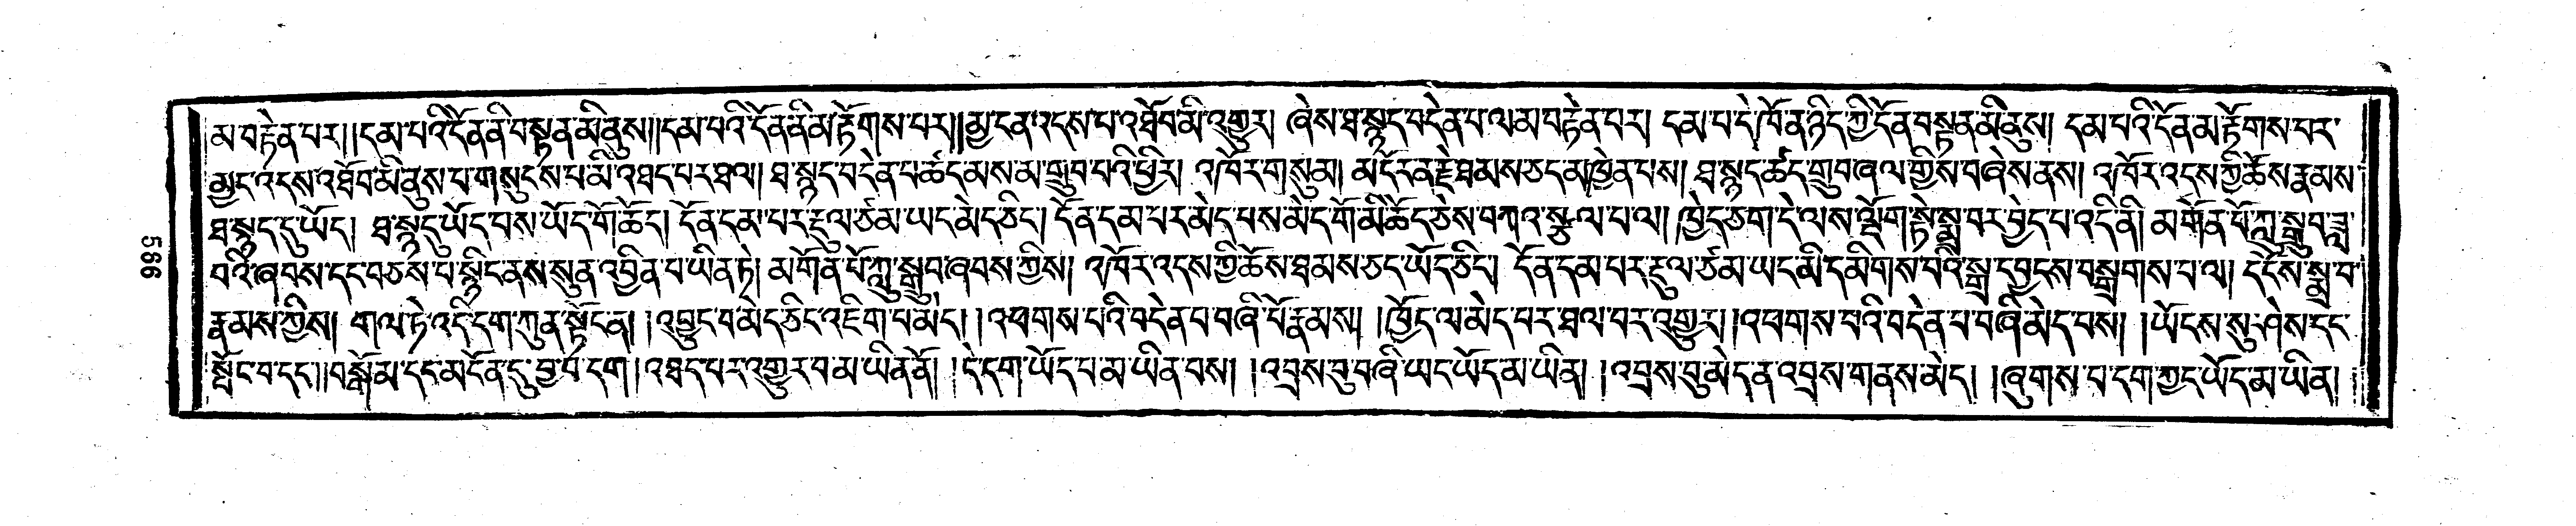མ་བརྟེན་པར། །དམ་པའི་དོན་ནི་བསྟན་མི་ནུས། །དམ་པའི་དོན་ནི་མ་རྟོགས་པར། །མྱ་ངན་འདས་པ་འཐོབ་མི་འགྱུར། ཞེས་ཐ་སྙད་བདེན་པ་ལ་མ་བརྟེན་པར། དམ་པ་དེ་ཁོ་ན་ཉིད་ཀྱི་དོན་བསྟན་མི་ནུས། དམ་པའི་དོན་མ་རྟོགས་པར་
མྱང་འདས་འཐོབ་མི་ནུས་པ་གསུངས་པ་མི་འཐད་པར་ཐལ། ཐ་སྙད་བདེན་པ་ཚད་མས་མ་གྲུབ་པའི་ཕྱིར། འཁོར་གསུམ། མདོར་ན་རྗེ་ཐམས་ཅད་མཁྱེན་པས། ཐ་སྙད་ཚད་གྲུབ་ཞལ་གྱིས་བཞེས་ནས། འཁོར་འདས་ཀྱི་ཆོས་རྣམས་
ཐ་སྙད་དུ་ཡོད། ཐ་སྙད་དུ་ཡོད་པས་ཡོད་གོ་ཆོད། དོན་དམ་པར་རྡུལ་ཙམ་ཡང་མེད་ཅིང་། དོན་དམ་པར་མེད་པས་མེད་གོ་མི་ཆོད་ཅེས་བཀའ་སྩལ་པ་ལ། ཁྱེད་ཅག་དེ་ལས་ལོག་སྟེ་སྨྲ་བར་བྱེད་པ་འདི་ནི། མགོན་པོ་ཀླུ་སྒྲུབ་ཟླ་
བའི་ཞབས་དང་བཅས་པ་སྙིང་ནས་སུན་འབྱིན་པ་ཡིན་ཏེ། མགོན་པོ་ཀླུ་སྒྲུབ་ཞབས་ཀྱིས། འཁོར་འདས་ཀྱི་ཆོས་ཐམས་ཅད་ཡོད་ཅིང་། དོན་དམ་པར་རྡུལ་ཙམ་ཡང་མི་དམིགས་པའི་སྒྲ་དབྱངས་བསྒྲགས་པ་ལ། དངོས་སྨྲ་བ་
རྣམས་ཀྱིས། གལ་ཏེ་འདི་དག་ཀུན་སྟོང་ན། །འབྱུང་བ་མེད་ཅིང་འཇིག་པ་མེད། །འཕགས་པའི་བདེན་པ་བཞི་པོ་རྣམས། །ཁྱོད་ལ་མེད་པར་ཐལ་བར་འགྱུར། །འཕགས་པའི་བདེན་པ་བཞི་མེད་པས། །ཡོངས་སུ་ཤེས་དང་
སྤོང་བ་དང་། །བསྒོམ་དང་མངོན་དུ་བྱ་བ་དག །འཐད་པར་འགྱུར་བ་མ་ཡིན་ནོ། །དེ་དག་ཡོད་པ་མ་ཡིན་པས། །འབྲས་བུ་བཞི་ཡང་ཡོད་མ་ཡིན། །འབྲས་བུ་མེད་ན་འབྲས་གནས་མེད། །ཞུགས་པ་དག་ཀྱང་ཡོད་མ་ཡིན། །